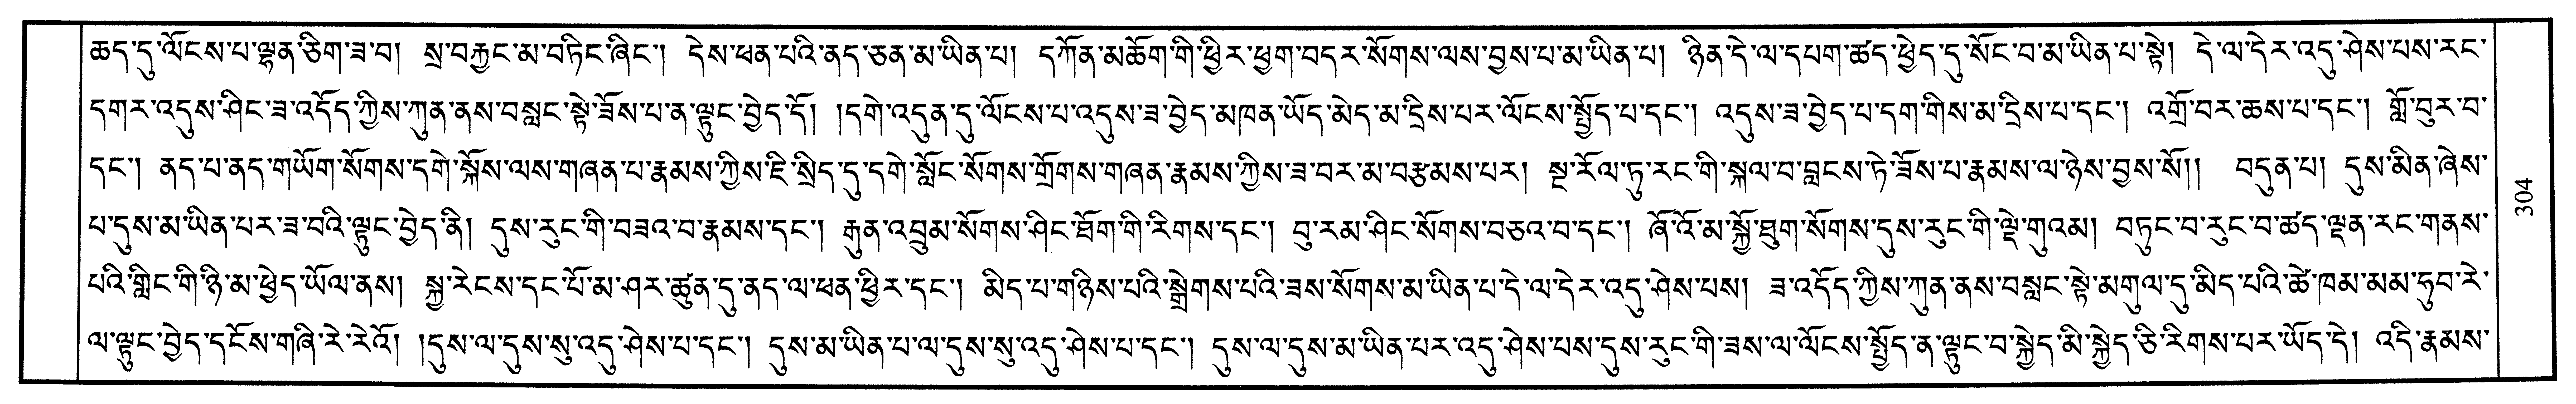ཆད་དུ་ལོངས་པ་ལྷན་ཅིག་ཟ་བ། སྲ་བརྐྱང་མ་བཏིང་ཞིང་། དེས་ཕན་པའི་ནད་ཅན་མ་ཡིན་པ། དཀོན་མཆོག་གི་ཕྱིར་ཕྱག་བདར་སོགས་ལས་བྱས་པ་མ་ཡིན་པ། ཉིན་དེ་ལ་དཔག་ཚད་ཕྱེད་དུ་སོང་བ་མ་ཡི་པ་སྟེ། དེ་ལ་དེར་འདུ་ཤེས་པས་རང་
དགར་འདུས་ཤིང་ཟ་འདོད་ཀྱིས་ཀུན་ནས་བསླང་སྟེ་ཟོས་པ་ན་ལྟུང་བྱེད་དོ། །དགེ་འདུན་དུ་ལོངས་པ་འདུས་ཟ་བྱེད་མཁན་ཡོད་མེད་མ་དྲིས་པར་ལོངས་སྤྱོད་པ་དང་། འདུས་ཟ་བྱེད་པ་དག་གིས་མ་དྲིས་པ་དང་། འགྲོ་བར་ཆས་པ་དང་། གློ་བུར་བ་
དང་། ནད་པ་ནད་གཡོག་སོགས་དགེ་སྐོས་ལས་གཞན་པ་རྣམས་ཀྱིས་ཇི་སྲིད་དུ་དགེ་སློང་སོགས་གྲོགས་གཞན་རྣམས་ཀྱིས་ཟ་བར་མ་བརྩམས་པར། སྔ་རོལ་ཏུ་རང་གི་སྐལ་བ་བླངས་ཏེ་ཟོས་པ་རྣམས་ལ་ཉེས་བྱས་སོ།། བདུན་པ། དུས་མིན་ཞེས་
པ་དུས་མ་ཡིན་པར་ཟ་བའི་ལྟུང་བྱེད་ནི། དུས་རུང་གི་བཟའ་བ་རྣམས་དང་། རྒུན་འབྲུམ་སོགས་ཤིང་ཐོག་གི་རིགས་དང་། བུ་རམ་ཤིང་སོགས་བཅའ་བ་དང་། ཞོ་འོ་མ་སྐྱོ་ཐུག་སོགས་དུས་རུང་གི་ལྡེ་གུའམ། བཏུང་བ་རུང་བ་ཚད་ལྡན་རང་གནས་
པའི་གླིང་གི་ཉི་མ་ཕྱེད་ཡོལ་ནས། སྐྱ་རེངས་དང་པོ་མ་ཤར་ཚུན་དུ་ནད་ལ་ཕན་ཕྱིར་དང་། མིད་པ་གཉིས་པའི་སྒྲེགས་པའི་ཟས་སོགས་མ་ཡིན་པ་དེ་ལ་དེར་འདུ་ཤེས་པས། ཟ་འདོད་ཀྱིས་ཀུན་ནས་བསླང་སྟེ་མགུལ་དུ་མིད་པའི་ཚེ་ཁམ་མམ་ཧུབ་རེ་
ལ་ལྟུང་བྱེད་དངོས་གཞི་རེ་རེའོ། །དུས་ལ་དུས་སུ་འདུ་ཤེས་པ་དང་། དུས་མ་ཡིན་པ་ལ་དུས་སུ་འདུ་ཤེས་པ་དང་། དུས་ལ་དུས་མ་ཡིན་པར་འདུ་ཤེས་པས་དུས་རུང་གི་ཟས་ལ་ལོངས་སྤྱོད་ན་ལྟུང་བ་སྐྱེད་མི་སྐྱེད་ཅི་རིགས་པར་ཡོད་དེ། འདི་རྣམས་